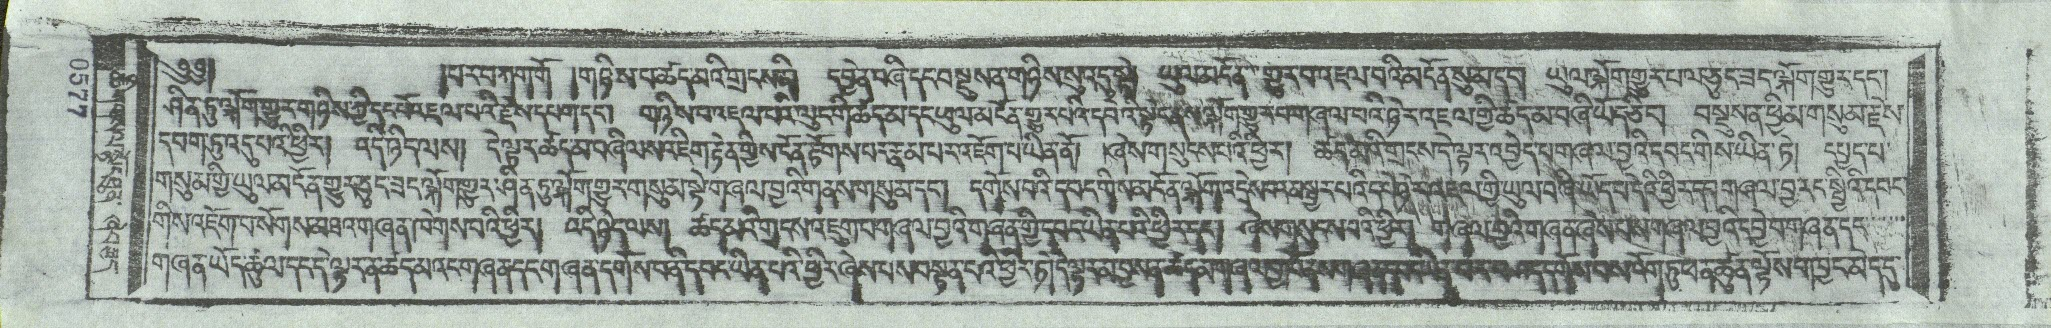༄༅། །པར་བཀག་གོ །གཉིས་པ་ཚད་མའི་གྲངས་ནི། དབྱེན་བཞི་དང་བསྡུས་ན་གཉིས་སུ་འདུ་སྟེ། ཡུལ་མངོན་གྱུར་པ་འཇལ་བའི་མངོན་སུམ་དང་། ཡུལ་ལྐོག་གྱུར་པ་ལ་ཅུང་ཟད་ལྐོག་གྱུར་དང་།
ཤིན་ཏུ་ལྐོག་གྱུར་གཉིས་ཀྱི་དང་པོ་འཇལ་པའི་རྗེས་དཔག་དང་། གཉིས་པ་འཇལ་པའི་ལུང་གི་ཚད་མ་དང་ཡུལ་མངོན་གྱུར་པའི་དཔེའི་སྟེང་ནས་ལྐོག་གྱུར་པ་གཞལ་པའི་ཉེར་འཇལ་གྱི་ཚད་མ་བཞི་ཡོད་ཅིང་། བསྡུས་ན་ཕྱི་མ་གསུམ་རྗེས་
དཔག་ཏུ་འདུ་པའི་ཕྱིར། འདི་ཉིད་ལས། དེ་ལྟར་ཚད་མ་བཞི་ལས་འཇིག་རྟེན་གྱིས་དོན་རྟོགས་པར་རྣམ་པར་འཇོག་པ་ཡིན་ནོ། །ཞེས་གསུངས་པའི་ཕྱིར། ཚད་མའི་གྲངས་དེ་ལྟར་འབྱེད་པ་གཞལ་བྱའི་དབང་གིས་ཡིན་ཏེ། དཔྱད་པ་
གསུམ་གྱི་ཡུལ་མངོན་གྱུར་ཅུང་ཟད་ལྐོག་གྱུར་ཤིན་ཏུ་ལྐོག་གྱུར་གསུམ་སྟེ་གཞལ་བྱའི་གནས་གསུམ་དང་། དགོས་པའི་དབང་གིས་མངོན་ལྐོག་འདྲེས་པའམ་སྦྱར་པའི་དཔེ་ཉེར་འཇལ་གྱི་ཡུལ་བཞི་ཡོད་པ་དེའི་ཕྱིར་དང་། གཞལ་བྱ་རང་སྤྱིའི་དབང་
གིས་འཇོག་པ་སོགས་མཐའ་གཞན་ཁེགས་པའི་ཕྱིར། འདི་ཉིད་ལས། ཚད་མའི་གྲངས་འཇུག་པ་གཞལ་བྱའི་གཞན་གྱི་དབང་ཡིན་པའི་ཕྱིར་དང་། ཞེས་གསུངས་པའི་ཕྱིར། གཞལ་བྱའི་གཞན་ཞེས་པས་གཞལ་བྱའི་དབྱེ་བ་གཞན་དང་
གཞན་ཡོད་ཚུལ་དང་དེ་ལྟར་ན་ཚད་མའང་གཞན་དང་གཞན་དགོས་པ་ནི་དབང་ཡིན་པའི་ཕྱིར་ཞེས་པས་བསྟན་པའི་ཕྱིར་ཏེ། དེ་ལྟར་མ་བྱས་ན་ཚད་མ་གཞལ་བྱ་ཁོ་ནས་གཞན་དབང་ཡིན་པར་བཤད་དགོས་པས་འོག་ཏུ་ཕན་ཚུན་ལྟོས་པ་ཁྱད་མེད་དུ་